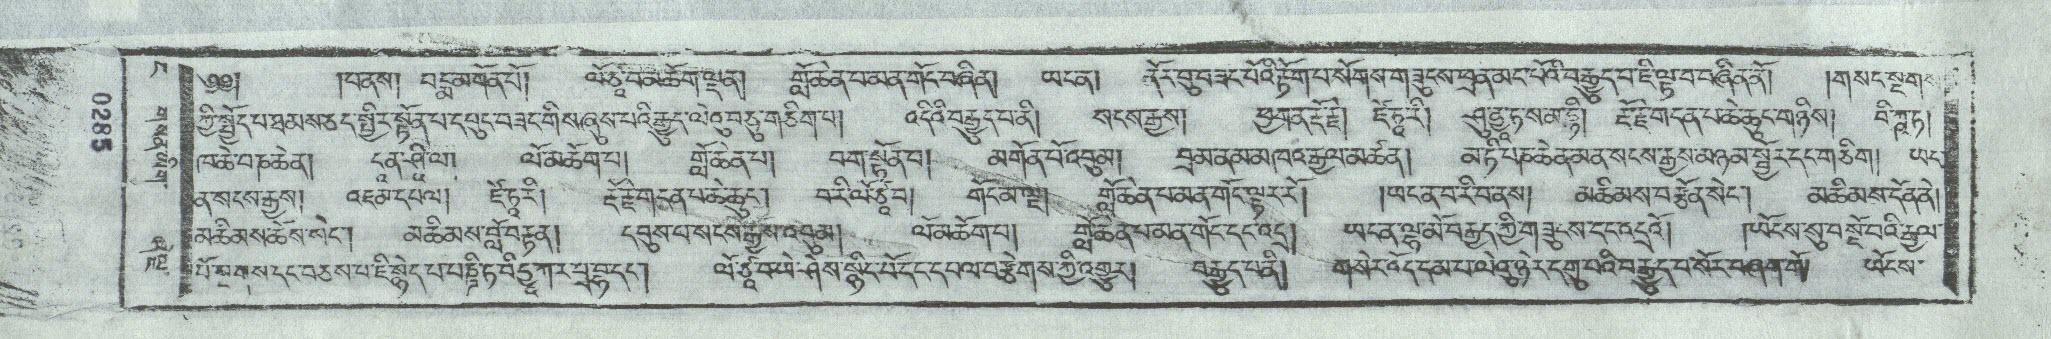༄༅། །པ་ནས། པདམ་མགོན་པོ། ལོ་ཙཱ་བ་མཆོག་ལྡན། གློ་ཆེན་པ་མན་གོང་བཞིན། ཡང་ན། ནོར་བུ་བཟང་པོའི་རྟོག་པ་སོགས་གཟུངས་ཕྲན་མང་པོའི་བརྒྱུད་བ་ཇི་ལྟ་བ་བཞིན་ནོ། །གསང་སྔགས་
ཀྱི་སྤྱོད་པ་ཐམས་ཅད་སྤྱིར་སྟོན་པ་དཔུང་བཟང་གིས་ཞུས་པའི་རྒྱུད་ལེའུ་བཅུ་གཅིག་པ། འདིའི་བརྒྱུད་པ་ནི། སངས་རྒྱས། ཕྱག་ན་རྡོ་རྗེ། ཛེ་ཧཱ་རི། ཤུ་ཉ་ཏ་ས་མ་དྷི། རྡོ་རྗེ་གདན་པ་ཆེ་ཆུང་གཉིས། བི་ཁ་ཏ།
ཁ་ཆེ་པཎ་ཆེན། དཱན་ཤཱི་ལ། ལོ་མཆོག་པ། གློ་ཆེན་པ། བག་སྟོན་པ། མགོན་པོ་འབུམ། བྲམ་ནམ་མཁའ་རྒྱལ་མཚན། མ་ཏི་པཎ་ཆེན་མན་སངས་རྒྱས་མཉམ་སྦྱོར་དང་གཅིག། ཡང་
ན་སངས་རྒྱས། འཇམ་དཔལ། ཛེ་ཏཱ་རི། རྡོ་རྗེ་གདན་པ་ཆེ་ཆུང་། བ་རི་ལོ་ཙཱ་བ། གོང་མ་ལྔ། གློ་ཆེན་པ་མན་གོང་ལྟར་རོ། །ཡང་ན་བ་རི་བ་ནས། མཆིམས་བརྩོན་སེང་། མཆིམས་དོན་ནེ།
མཆིམས་ཆོས་སེང་། མཆིམས་བློ་བརྟན། དབུས་པ་སངས་རྒྱས་འབུམ། ལོ་མཆོག་པ། གློ་ཆེན་པ་མན་གོང་དང་འདྲ། ཡང་ན་ལྷ་མོ་བརྒྱད་ཀྱི་གཟུངས་དང་འདྲའོ། །ཡོངས་སུ་བ་སྡོ་བའི་རྒྱལ་
པོ་སྲགས་དང་བཅས་པ་ཇི་སྙེད་པ་པཎྜི་ཏ་བིདྱཱ་ཀ་ར་པྲ་བྷ་དང་། ལོ་ཙཱ་བ་ཡེ་ཤེས་སྙིང་པོ་དང་དཔལ་བརྩེགས་ཀྱི་འགྱུར། བརྒྱུད་པ་ནི། གསེར་འོད་དམ་པ་ལེའུ་ཉེར་དགུ་པའི་བརྒྱུད་པ་སོར་བཞག་གོ། ཡོངས་